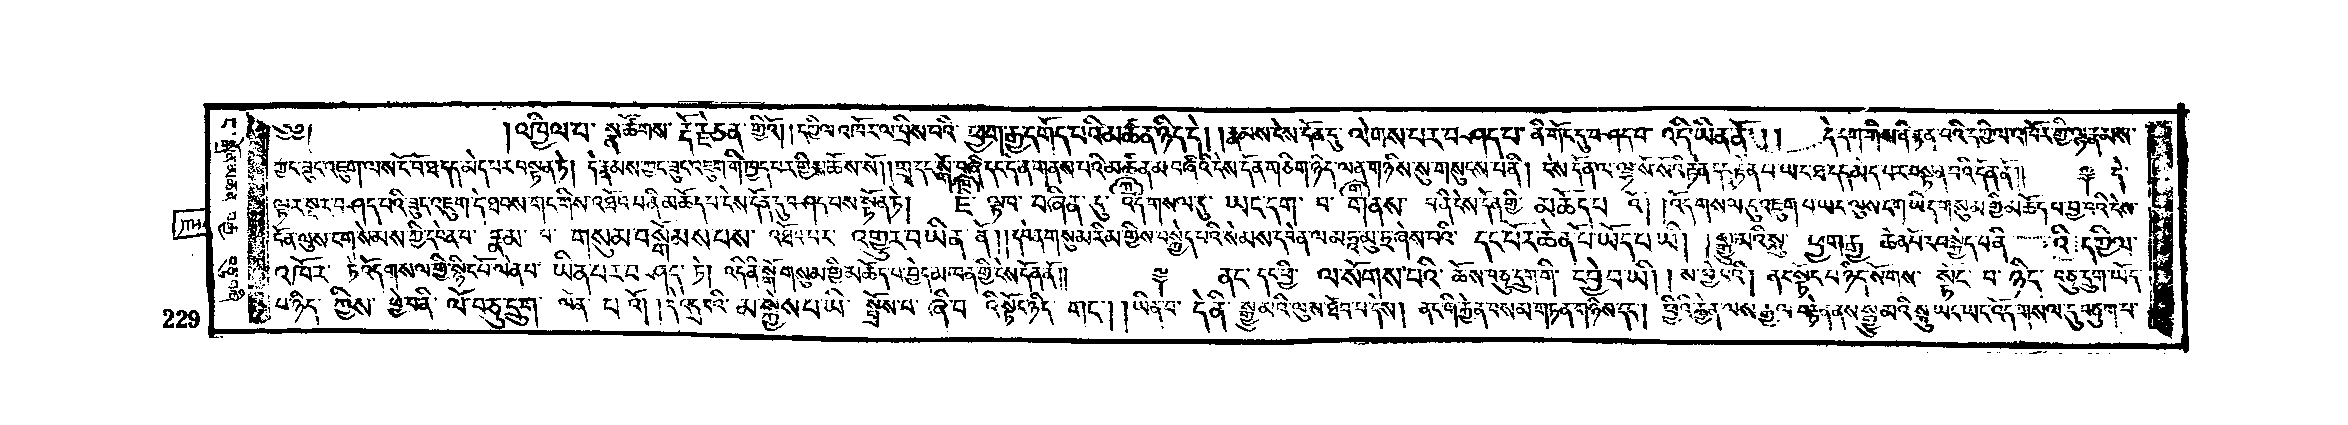༄༅། །འཁྱིལ་པ་སྣ་ཚོགས་རྡོ་རྗེ་ཅན་གྱིའོ། །དཀྱིལ་འཁོར་ལ་བྲིས་པའི་ཕྱག་རྒྱ་དགོད་པའི་མཚན་ཉིད་དེ། ། རྣམས་ངེས་དོན་དུ་ལེགས་པར་བཤད་པ་ནི་གོང་དུ་བཤད་པ་འདི་ཡིན་ནོ། །དེ་དག་གིས་ནི་བརྟེན་པའི་དཀྱིལ་འཁོར་གྱི་ལྷ་རྣམས་
ཀྱང་ཟུང་འཇུག་ལས་ངོ་བོ་ཐ་དད་མེད་པར་བསྟན་ཏེ། དེ་རྣམས་ཀྱང་ཟུང་འཇུག་གི་ཁྱད་པར་གྱིས་ཆོས་སོ། །གྲྭ་དང་སྒོ་བཞི་དང་དེ་ན་གནས་པའི་མཚན་མ་བཞིའི་ངེས་དོན་གཅིག་ཉིད་ལན་གཉིས་སུ་གསུངས་པ་ནི། ངེས་དོན་ལ་ལྷ་སོ་སོའི་རྟེན་དང་བརྟེན་པ་ཡང་ཐ་དད་མེད་པར་བསྟན་པའི་དོན་ནོ།། ༈ དེ་
ལྟར་སྔར་བཤད་པའི་ཟུང་འཇུག་དེ་ཐབས་གང་གིས་འཐོབ་པ་ནི་མཆོད་པ་ངེས་དོན་དུ་བཤད་པས་སྟོན་ཏེ། ?ཁ྄་ཇི་ལྟ་བ་བཞིན་དུ་?ཀ྄་འོད་གསལ་དུ་ཡང་དག་པ་?ག྄་གནས་པ་ནི་ངེས་དོན་གྱི་མཆོད་པའོ། །འོད་གསལ་དུ་འཇུག་པ་ཡང་ལུས་ངག་ཡིད་གསུམ་གྱི་མཆོད་པ་བྱ་བའི་ངེས་
དོན་ལུས་ངག་སེམས་ཀྱི་དབེན་པ་རྣམ་པ་གསུམ་བསྒོམས་པས་འཐོབ་པར་འགྱུར་བ་ཡིན་ནོ། ། དབེན་གསུམ་རིམ་གྱིས་བསྐྱེད་པའི་སེམས་དབེན་ལ་མཧཱ་མུ་ཏྲེ་ཞེས་པའི་དང་པོར་ཆེན་པོ་ཡོད་པ་ཡི། ། སྒྱུ་མའི་སྐུ་ཕྱག་རྒྱ་ཆེན་པོར་བསྐྱེད་པ་ནི་འི་དཀྱིལ་
འཁོར་ཏེ་འོད་གསལ་གྱི་སྙིང་པོ་ལེན་པ་ཡིན་པར་བཤད་ཏེ། འདི་ནི་སྒོ་གསུམ་གྱི་མཆོད་པ་བྱེད་མཁན་གྱི་ངེས་དོན་ནོ།། ༈ ནང་དང་ཕྱི་ལ་སོགས་པའི་ཆོས་བཅུ་དྲུག་གི་དབྱེ་བ་ཡི། ། ས་ཕྱེ་བའི། ནང་སྟོང་པ་ཉིད་སོགས་སྟོང་པ་ཉིད་བཅུ་དྲུག་ཡོད་
པ་ཉིད་ཀྱིས་ཕྱེ་བ་ནི་ལོ་བཅུ་དྲུག་ལོན་པའོ། །དེ་འདྲ་བའི་མ་སྐྱེས་པ་ཡི་སྤྲོས་པ་ཞི་བའི་སྟོང་ཉིད་གང་། །ཡིན་པ་དེ་ནི་སྒྱུ་མའི་ལུས་ཐོབ་པ་དེས། ནང་གི་རྐྱེན་བསམ་གཏན་གཉིས་དང་། ཕྱིའི་རྐྱེན་ལས་རྒྱལ་བརྟེན་ནས་སྒྱུ་མའི་སྐུ་ཡང་ཡང་འོད་གསལ་དུ་བཅུག་པ་